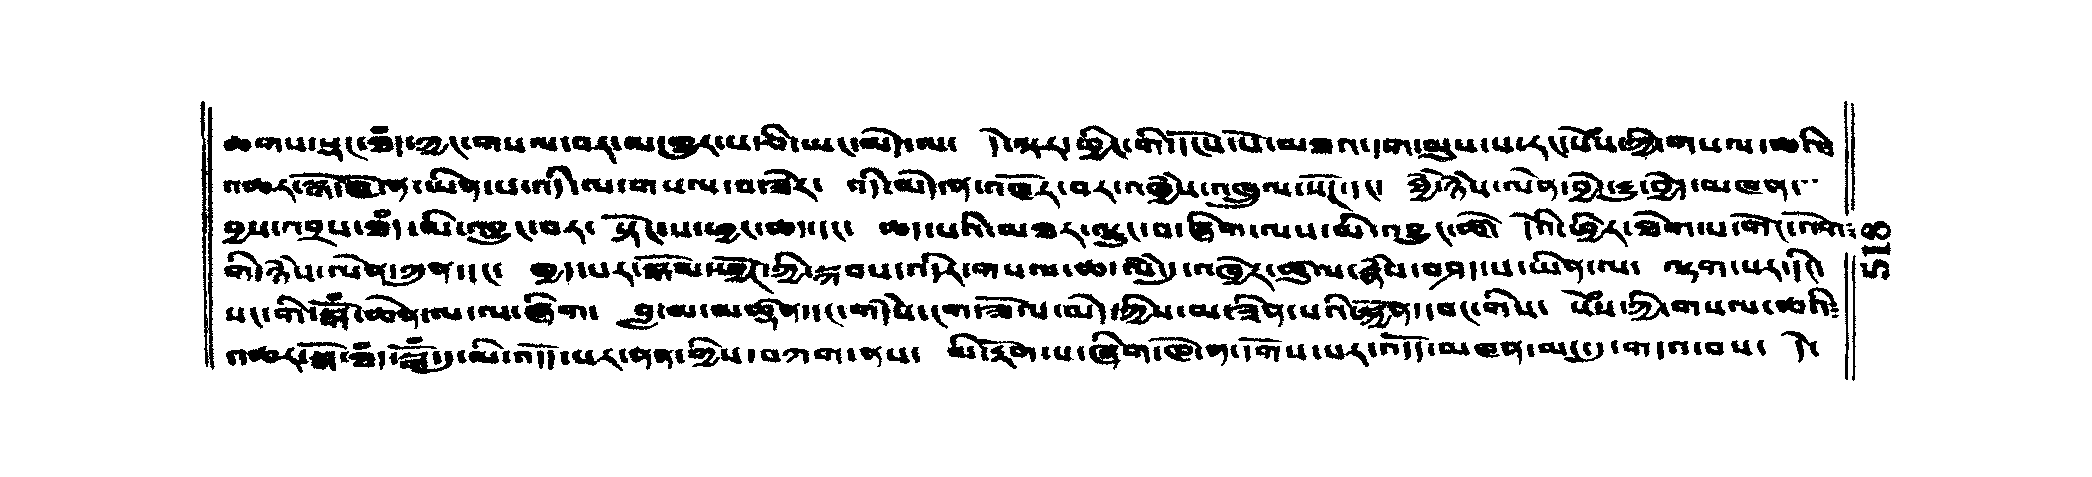ཆགས་སྡང་ཐམས་ཅད་ཀྱང་གསལ་བར་མ་གྱུར་པ་ཅི་ཡང་མེད་ལ། དེ་ལྟར་ཕྱི་ནང་གི་དངོས་པོ་མཐའ་དག་མ་ལུས་པ་རང་སེམས་ཀྱི་གསལ་ཆའི་
འཆར་སྒོ་ཁོ་ན་ཡིན་པ་འདི་ལ་གསལ་བ་ཟེར། འདི་མེད་ན་འཁོར་བར་འཁྱམས་འཁྲུལ་སོགས་དང་། ཐུགས་རྗེ་ཉམས་ལེན་བྱེད་རྒྱུ་བྱེད་མཁན་
བྱས་འབྲས་ཐམས་ཅད་མི་འབྱུང་བར། སྟོང་པ་ཕྱང་ཆད་དང་། ཆད་པའི་མཐར་ལྷུང་བ་ཞིག་ལས་མི་འབྱུང་ཚེ། དེའི་ཕྱིར་ཐེག་པ་གོང་འོག་
གི་ཉམས་ལེན་ཀུན་དང་། ཁྱད་པར་སྒོམ་ཕྱོགས་ཀྱི་སྐབས་འདིར་གསལ་ཆ་ལམ་དུ་འཁྱེར་ཚུལ་རྣམས་བཤད་པ་ཡིན་ལ། ལྷག་པར་དིང་
སང་གི་སྒོམ་ཆེན་ལ་ལ་ཞིག བླ་མ་མཚན་ལྡན་དང་གདམས་ངག་ཟོལ་མེད་ཀྱིས་མ་ཟིན་པའི་སྐྱོན་དབང་གིས། སེམས་ཀྱི་གསལ་ཆའི་
འཆར་སྒོ་ཐམས་ཅད་སྒོམ་དུ་མི་འདོད་པར་ནན་གྱིས་བཀག་ནས། མི་རྟོག་པ་ཞིག་ཁོ་ན་དགོས་པར་འདོད་མཁན་མང་དུ་གདའ་བས།དེ་